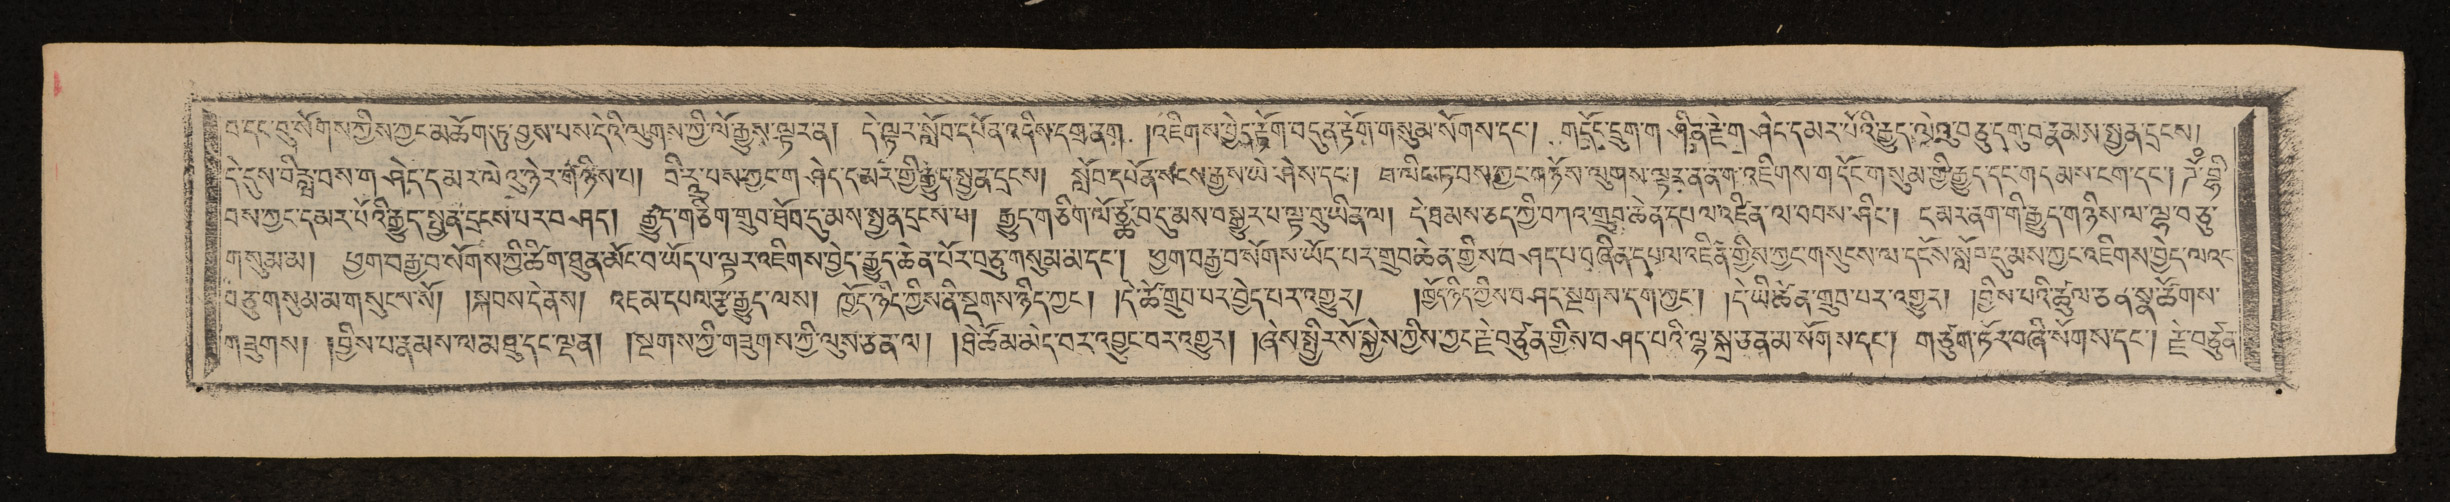བ་དང་བུ་སོགས་ཀྱིས་ཀྱང་མཆོག་ཏུ་བྱས་པས་དེའི་ལུགས་ཀྱི་ལོ་རྒྱུས་ལྟར་ན། དེ་ལྟར་སློབ་དཔོན་འདིས་དགྲ་ནག །འཇིགས་བྱེད་རྟོག་བདུན་རྟོག་གསུམ་སོགས་དང་། གདོང་དྲུག་གཤིན་རྗེ་གཤེད་དམར་བོའི་རྒྱུད་ལེའུ་བཅུ་དགུ་པ་རྣམས་སྤྱན་དྲངས།
དེ་དུས་བིརྭ་བས་གཤེད་དམར་ལེའུ་ཉེར་གཉིས་པ། བི་རཱུ་པས་ཀྱང་གཤེད་དམར་གྱི་རྒྱུད་སྤྱན་དྲངས། སློབ་དཔོན་སངས་རྒྱས་ཡེ་ཤེས་དང་། བ་ལིང་ཏ་པས་ཀྱང་གཉོས་ལུགས་ལྟར་ན་ནག་འཇིགས་གདོང་གསུམ་གྱི་རྒྱུད་དང་གདམས་ངག་དང་། ཌོཾ་བྷི་
བས་ཀྱང་དམར་པོའི་རྒྱུད་སྤྱན་དྲངས་པར་བཤད། རྒྱུད་གཅིག་གྲུབ་ཐོབ་དུ་མས་སྤྱན་དྲངས་པ། རྒྱུད་གཅིག་ལོཙྪ་བ་དུ་མས་བསྒྱུར་བ་ལྟ་བུ་ཡིན་ལ། དེ་ཐམས་ཅད་ཀྱི་བཀའ་གྲུབ་ཆེན་དཔལ་འཛིན་ལ་ཕབས་ཤིང་། དམར་ནག་གི་རྒྱུད་གཉིས་ལ་ལྷ་བཅུ་
གསུམ་མ། ཕྱག་བརྒྱ་བ་སོགས་ཀྱི་ཚིག་ཐུན་མོང་བ་ཡོད་པ་ལྟར་འཇིགས་བྱེད་རྒྱུད་ཆེན་པོར་བཅུ་གསུམ་མ་དང་། ཕྱག་བརྒྱ་པ་སོགས་ཡོད་པར་གྲུབ་ཆེན་གྱིས་བཤད་པ་བཞིན་དཔལ་འཛིན་གྱིས་ཀྱང་གསུངས་ལ་དངོས་སློབ་དུ་མས་ཀྱང་འཇིགས་བྱེད་ལའང་
བཅུ་གསུམ་མ་གསུངས་སོ། །སྐབས་དེ་ནས། འཇམ་དཔལ་རྩ་རྒྱུད་ལས། ཁོད་ཉིད་ཀྱིས་ནི་སྔགས་ཉིད་ཀྱང་། །དེ་ཚེ་གྲུབ་པར་བྱེད་པར་འགྱུར། །ཁྱོད་ཉིད་ཀྱིས་བཤད་སྔགས་དག་ཀྱང་། །དེ་ཡི་ཚེ་ན་གྲུབ་པར་འགྱུར། །བྱིས་པའི་ཚུལ་ཅན་སྣ་ཚོགས་
གཟུགས། །བྱིས་པ་རྣམས་ལ་མཐུ་དང་ལྡན། །སྔགས་ཀྱི་གཟུགས་ཀྱི་ལུས་ཅན་ལ། །ཐེ་ཚོམ་མེད་པར་འབྱུང་བར་འགྱུར། །ཞེས་སྤྱིར་སོ་སྐྱེས་ཀྱིས་ཀྱང་རྗེ་བཙུན་གྱིས་བཤད་པའི་ལྷ་སྐྲ་ཅན་མ་སོགས་དང་། གཙུག་ཏོར་བཞི་སོགས་དང་། རྗེ་བཙུན་